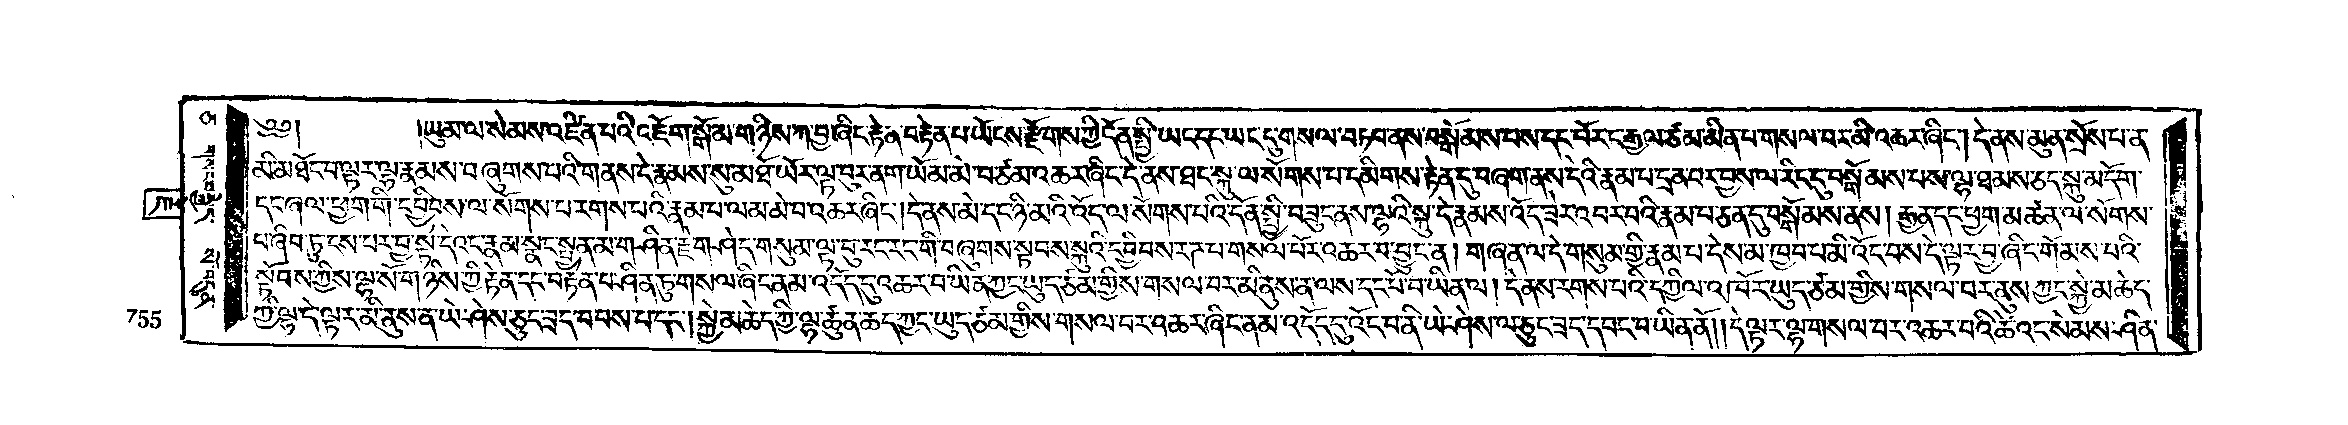༄༅། །ཡུམ་ལ་སེམས་འཛིན་པའི་འཇོག་སྒོམ་གཉིས་ཀ་བྱ་ཞིང་རྟེན་བརྟེན་པ་ཡོངས་རྫོགས་ཀྱི་དོན་སྤྱི་ཡང་དང་ཡང་དུ་གསལ་བཏབ་ནས་བསྒོམས་པས་དང་པོར་ང་རྒྱལ་ཙམ་མིན་པ་གསལ་བར་མི་འཆར་ཞིང་། དེ་ནས་མུན་སྲོས་པ་ན་
མི་མཐོང་བ་ལྟར་ལྷ་རྣམས་བཞུགས་པའི་གནས་དེ་རྣམས་སུ་མཐོ་ཡོར་ལྟ་བུར་ནག་ཡོམ་མེ་བ་ཙམ་འཆར་ཞིང་དེ་ནས་ཐང་སྐུ་ལ་སོགས་པ་དམིགས་རྟེན་དུ་བཞག་ནས་དེའི་རྣམ་པ་དྲན་པར་བྱས་ལ་རིང་དུ་བསྒོམས་པས་ལྷ་ཐམས་ཅད་སྐུ་མདོག་
དང་ཞལ་ཕྱག་གི་དབྱིབས་ལ་སོགས་པ་རགས་པའི་རྣམ་པ་ལམ་མེ་བ་འཆར་ཞིང་། དེ་ནས་མེ་དང་ཉི་མའི་འོད་ལ་སོགས་པའི་དོན་སྤྱི་བཟུང་ནས་ལྷའི་སྐུ་དེ་རྣམས་འོད་ཟེར་འབར་བའི་རྣམ་པ་ཅན་དུ་བསྒོམས་ནས། རྒྱན་དང་ཕྱག་མཚན་ལ་སོགས་
པ་ཞིབ་ཏུ་ངེས་པར་བྱ་སྟེ་དེའང་རྣམ་སྣང་སྤྱན་མ་གཤིན་རྗེ་གཤེད་གསུམ་ལྟ་བུ་རང་རང་གི་བཞུགས་སྟབས་སྐུའི་དབྱིབས་རགས་པ་གསལ་པོར་འཆར་བ་བྱུང་ན། གཞན་ལ་དེ་གསུམ་གྱི་རྣམ་པ་དེས་མ་ཁྱབ་པ་མི་འོང་བས་དེ་ལྟར་བྱ་ཞིང་གོམས་པའི་
སྟོབས་ཀྱིས་ལྷ་སོ་གཉིས་ཀྱི་རྟེན་དང་བརྟེན་པ་ཤིན་ཏུ་གསལ་ཞིང་ནམ་འདོད་དུ་འཆར་བ་ཡིན་ཀྱང་ཡུད་ཙམ་གྱིས་གསལ་བར་མི་ནུས་ན་ལས་དང་པོ་བ་ཡིན་ལ། དེ་ནས་རགས་པའི་དཀྱིལ་འཁོར་ཡུད་ཙམ་གྱིས་གསལ་བར་ནུས་ཀྱང་སྐྱེ་མཆེད་
ཀྱི་ལྷ་དེ་ལྟར་མི་ནུས་ན་ཡེ་ཤེས་ཅུང་ཟད་བབས་པ་དང་། སྐྱེ་མཆེད་ཀྱི་ལྷ་ཚུན་ཆད་ཀྱང་ཡུད་ཙམ་གྱིས་གསལ་བར་འཆར་ཞིང་ནམ་འདོད་དུ་འོང་བ་ནི་ཡེ་ཤེས་ལ་ཅུང་ཟད་དབང་བ་ཡིན་ནོ། །དེ་ལྟར་ལྷ་གསལ་བར་འཆར་བའི་ཚེའང་སེམས་ཤིན་